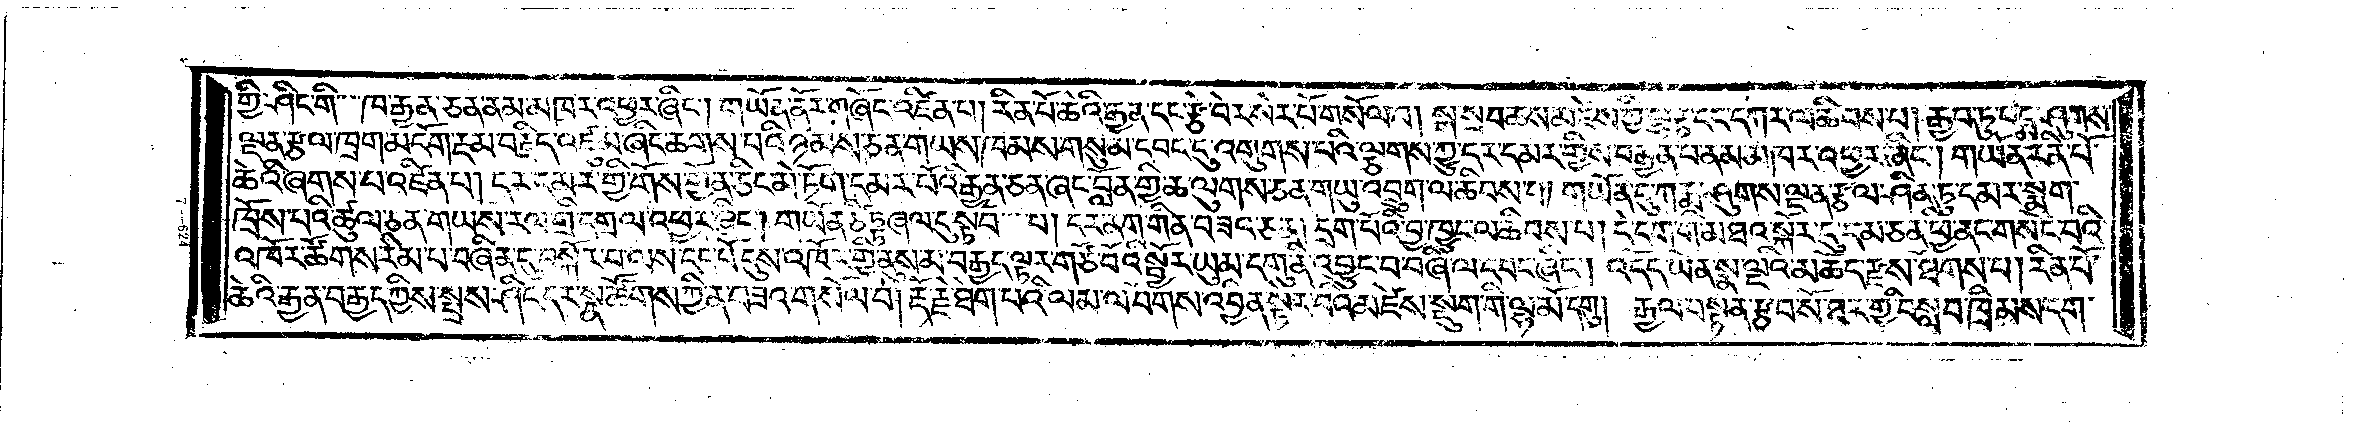གྱི་ཤིང་གི་ཁ་རྒྱན་ཅན་ནམ་མཁའ་འཕྱར་ཞིང་། གཡོན་ནོར་གཞོང་འཛིན་པ། རིན་པོ་ཆེའི་རྒྱན་དང་རྩེ་བོར་སེར་པོ་གསོལ་བ། སྒ་སྲབ་ཆས་མཛེས་ཀྱི་ལྷ་རྟ་ངང་དཀར་ལ་ཆིབས་པ། རྒྱབ་ཏུ་པདམ་ཤུགས་
ལྡན་རྩལ་ཁྲག་མདོག་རྔམ་བརྗིད་འཛུན་ཞིང་ཆགས་པའི་ཉམས་ཅན་གཡས་ཁམས་གསུམ་དབང་དུ་འགུགས་པའི་ལྕགས་ཀྱུ་དར་དམར་གྱིས་བརྒྱན་པ་ནམ་མཁའ་འཕྱར་ཞིང་། གཡོན་རིན་པོ་
ཆེའི་ཞགས་པ་འཛིན་པ། དར་དམར་གྱི་གོས་གྱོན་ཅིང་མེ་ཏོག་དམར་པོའི་རྒྱན་ཅན་ཞང་བློན་གྱི་ཆ་ལུགས་ཅན་གཡུ་འབྲུག་ལ་ཆིབས་པ། གཡོན་དུ་ཀརྨ་ཤུགས་ལྡན་རྩལ་ཤིན་ཏུ་དམར་སྨུག་
ཁྲོས་པའི་ཚུལ་ཅན་གཡས་རལ་གྲི་དགྲ་ལ་འཕྱར་ཞིང་། གཡོན་ཙིཏྟ་ཞལ་དུ་སྟོབ་པ། དར་ནག་གིན་བཟའ་ཅན། དྲག་པོའི་བྱ་ཁྱུང་ལ་ཆིབས་པ། དེ་དག་གི་མཐའ་སྐོར་དུ་དམ་ཅན་ཕྱི་ནང་གསང་བའི་
འཁོར་ཚོགས་རིམ་པ་བཞིན་དུ་བསྐོར་བ་ལས་དང་པོ་དུས་འཁོར་གྱི་ནུས་མ་བརྒྱད་ལྟར་གཙོ་བོའི་སྦྱོར་ཡུམ་དགུ་ནི་འབྱུང་བ་བཞི་ལ་དབང་ཞིང་། འདོད་ཡོན་སྣ་ལྔའི་མཆོད་རྫས་ཐོགས་པ། རིན་པོ་
ཆེའི་རྒྱན་བརྒྱད་ཀྱིས་སྤྲས་ཤིང་དར་སྣ་ཚོགས་ཀྱི་ན་བཟའ་གསོལ་བ། རྡོ་རྗེ་ཐེག་པའི་ལམ་ལ་བོགས་འབྱིན་སྟེར་བའི་མཛེས་སྡུག་གི་ལྷ་མོ་དགུ། རྒྱལ་བསྟན་རྩ་བསོ་ཐར་གྱི་བསླབ་ཁྲིམས་དག་